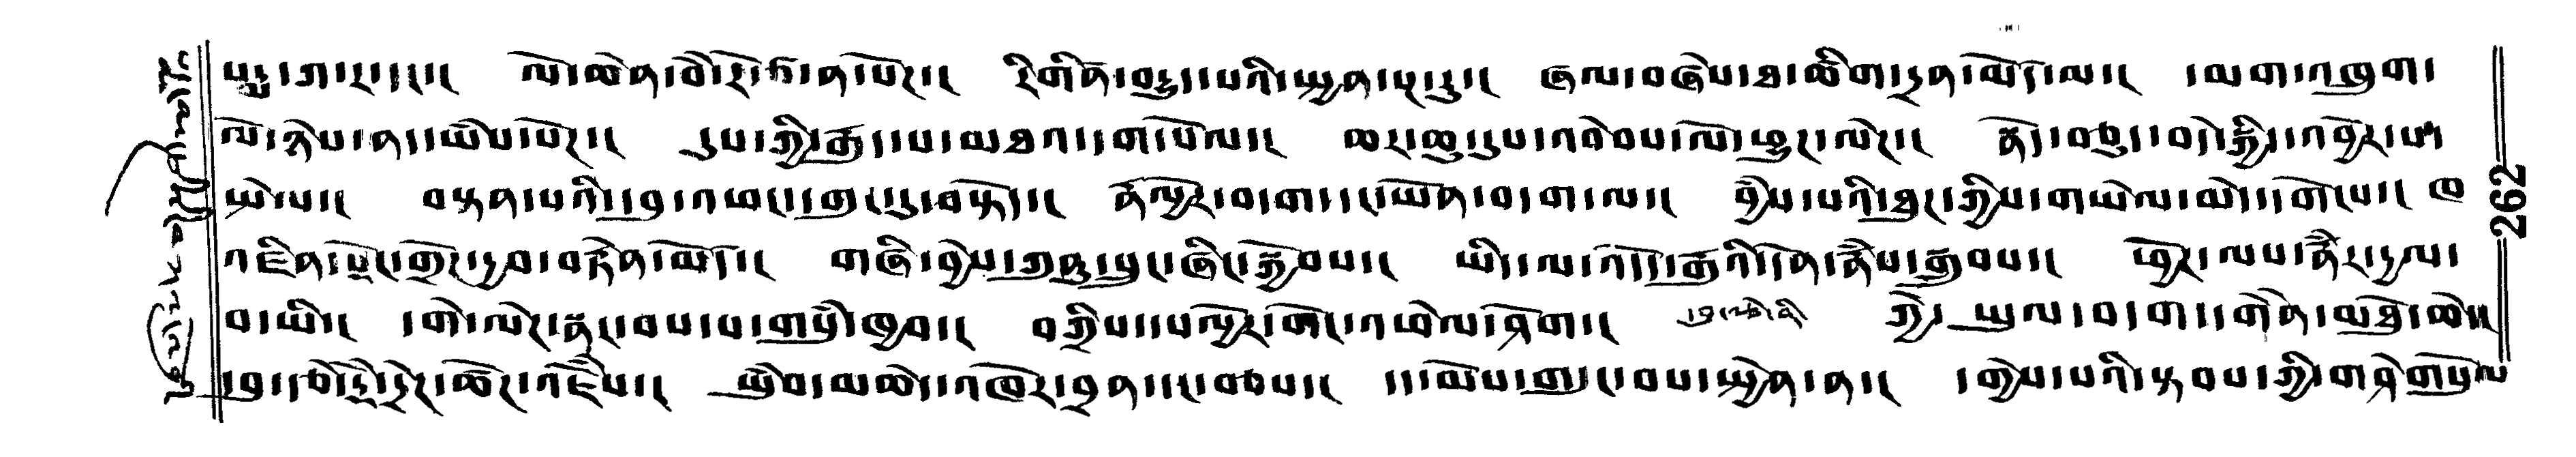པདྨ་ཀ་ར་དང་། །ལོ་ཆེན་བཻ་རོ་ཙ་ན་སོགས། །རིག་འཛིན་བརྒྱུད་པའི་སྤྱན་སྔ་རུ། །ཞལ་བཞེས་ཐ་ཚིག་དྲན་མཛོད་ལ། །དམག་འཁྲུག་
ལོ་ཉེས་ནད་ཡམས་སོགས། །དུས་ཀྱི་རྒུད་པ་མཐའ་དག་སོལ། །ཆར་ཆུ་དུས་འབེབས་ལོ་ཕྱུགས་ལེགས། །སྣོད་བཅུད་བདེ་སྐྱིད་འབྱོར་པ་
སྤེལ། །བསྟན་པའི་དབུ་འཕང་དགུང་དུ་བསྟོད། །རྣལ་འབྱོར་བདག་དང་ཡོན་བདག་ལ། །བྱམས་པའི་ཐུགས་ཀྱིས་གཡེལ་མེད་དགོངས། །ཁ་
འཛིན་སྡོང་གྲོགས་རྒྱབ་བརྟེན་མཛོད། །གཞིས་བྱེས་ཀུན་ཏུ་སྲུང་ཞིང་སྐྱོབས། །ཡིད་ལ་འདོད་རྒུའི་དོན་རྣམས་སྒྲུབས། །ཕྱོགས་ལས་རྣམ་པར་རྒྱལ་
བ་ཡི། །དགེ་ལེགས་སྣང་བས་ས་གསུམ་ཁྱབ། །བཀྲ་ཤིས་དཔལ་འབྱོར་གོང་འཕེལ་ཤོག དབུ་རྩེ་ནི། ཀྱཻ། ཡུལ་བདག་དགེ་བསྙེན་མཐུ་བོ་ཆེ། །
དབུ་རྩེ་རྡོ་རྗེ་དྲེགས་ཚོགས་འཇོམས། །ཡབ་ཡུམ་མཆེད་འཁོར་བྲན་དང་བཅས། །དད་མོས་གདུང་བས་སྤྱན་འདྲེན་ན། །དགྱེས་པའི་སྟབས་ཀྱི་གཤེགས་སུ་གསོལ།